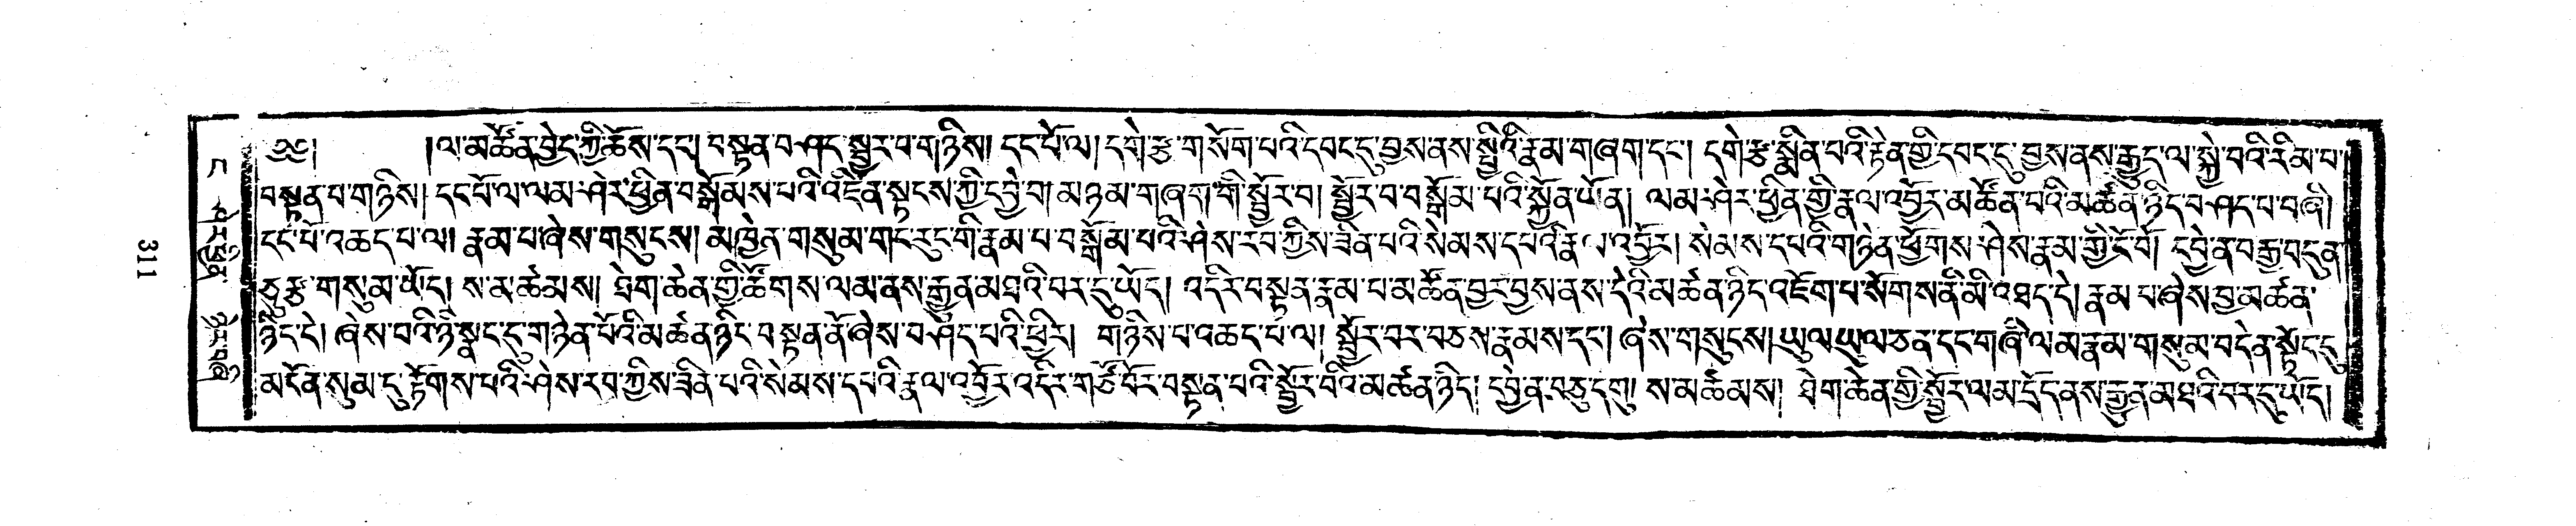༄༅། །ལ་མཚོན་བྱེད་ཀྱི་ཆོས་དང་། བསྟན་བཤད་སྦྱོར་བ་གཉིས། དང་པོ་ལ། དགེ་རྩ་གསོག་པའི་དབང་དུ་བྱས་ནས་སྤྱིའི་རྣམ་གཞག་དང་། དགེ་རྩ་སྨིན་པའི་རྟེན་གྱི་དབང་དུ་བྱས་ནས་རྒྱུད་ལ་སྐྱེ་བའི་རིམ་པ་
བསྟན་པ་གཉིས། དང་པོ་ལ་ལམ་ཤེར་ཕྱིན་བསྒོམས་པའི་འཛིན་སྟངས་ཀྱི་དབྱེ་བ། མཉམ་གཞག་གི་སྦྱོར་བ། སྦྱོར་བ་བསྒོམ་པའི་སྐྱོན་ཡོན། ལམ་ཤེར་ཕྱིན་གྱི་རྣལ་འབྱོར་མཚོན་པའི་མཚན་ཉིད་བཤད་པ་བཞི།
དང་པོ་འཆད་པ་ལ། རྣམ་པ་ཞེས་གསུངས། མཁྱེན་གསུམ་གང་རུང་གི་རྣམ་པ་བསྒོམ་པའི་ཤེས་རབ་ཀྱིས་ཟིན་པའི་སེམས་དཔའི་རྣལ་འབྱོར། སེམས་དཔའི་གཉེན་ཕྱོགས་ཤེས་རྣམ་གྱི་ངོ་བོ། །དབྱེ་ན་བརྒྱ་བདུན་
ཅུ་རྩ་གསུམ་ཡོད། ས་མཚམས། ཐེག་ཆེན་གྱི་ཚོགས་ལམ་ནས་རྒྱུན་མཐའི་བར་དུ་ཡོད། འདིར་བསྟན་རྣམ་པ་མཚོན་བྱར་བྱས་ནས་དེའི་མཚན་ཉིད་འཇོག་པ་སོགས་ནི་མི་འཐད་དེ། རྣམ་པ་ཞེས་བྱ་མཚན་
ཉིད་དེ། ཞེས་པའི་ཉི་སྣང་དུ་གཉེན་པོའི་མཚན་ཉིད་བསྟན་ནོ་ཞེས་བཤད་པའི་ཕྱིར། གཉིས་པ་འཆད་པ་ལ། སྦྱོར་བར་བཅོས་རྣམས་དང་། ཞེས་གསུངས། ཡུལ་ཡུལ་ཅན་དང་གཞི་ལམ་རྣམ་གསུམ་བདེན་སྟོང་དུ་
མངོན་སུམ་དུ་རྟོགས་པའི་ཤེས་རབ་ཀྱིས་ཟིན་པའི་སེམས་དཔའི་རྣལ་འབྱོར་འདིར་གཙོ་བོར་བསྟན་པའི་སྦྱོར་བའི་མཚན་ཉིད། དབྱེ་ན་བཅུ་དགུ །ས་མཚམས། ཐེག་ཆེན་གྱི་སྦྱོར་ལམ་དྲོད་ནས་རྒྱུན་མཐའི་བར་དུ་ཡོད།